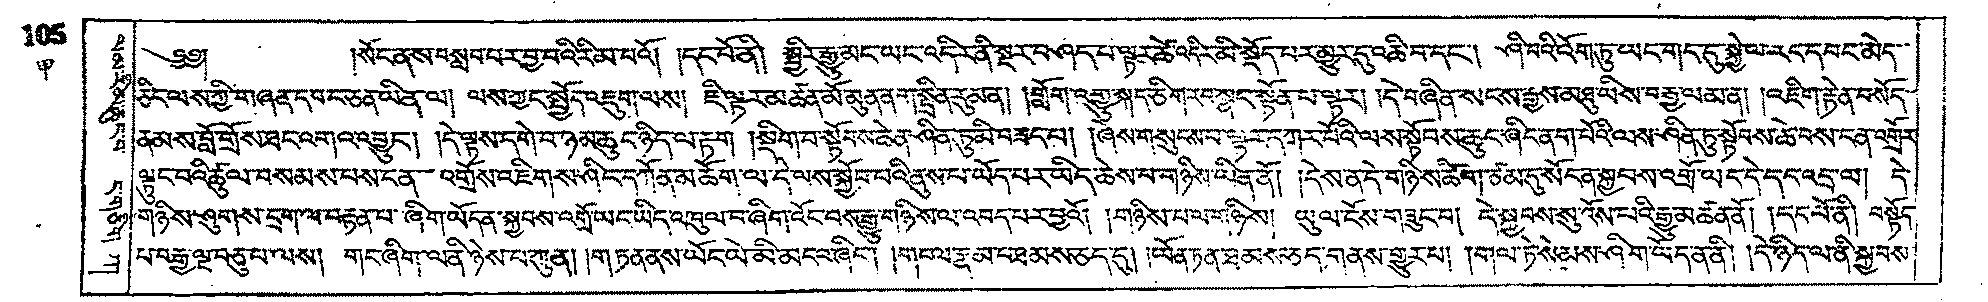༄༅། །སོང་ནས་བསླབ་པར་བྱ་བའི་རིམ་པའོ། །དང་པོ་ནི། སྤྱིར་རྒྱུ་མང་ཡང་འདིར་ནི་སྔར་བཤད་པ་ལྟར་ཚེ་འདིར་མི་སྡོད་པར་མྱུར་དུ་འཆི་བ་དང་། ཤི་བའི་འོག་ཏུ་ཡང་གང་དུ་སྐྱེ་ལ་རང་དབང་མེད་
ཅིང་ལས་ཀྱི་གཞན་དབང་ཅན་ཡིན་ལ། ལས་ཀྱང་སྤྱོད་འཇུག་ལས། ཇི་ལྟར་མཚན་མོ་མུན་ནག་སྤྲིན་རུམ་ན། །གློག་འགྱུ་སྐད་ཅིག་རབ་སྣང་སྟོན་པ་ལྟར། །དེ་བཞིན་སངས་རྒྱས་མཐུ་ཡིས་བརྒྱ་ལམ་ན། །འཇིག་རྟེན་བསོད་
ནམས་བློ་གྲོས་ཐང་འགའ་འབྱུང་། །དེ་ལྟས་དགེ་བ་ཉམ་ཆུང་ཉིད་ལ་རྟག །སྡིག་པ་སྟོབས་ཆེན་ཤིན་ཏུ་མི་བཟད་པ། །ཞེས་གསུངས་པ་ལྟར་དཀར་པོའི་ལས་སྟོབས་ཆུང་ཞིང་ནག་པོའི་ལས་ཤིན་ཏུ་སྟོབས་ཆེ་བས་ངན་འགྲོར་
ལྟུང་བའི་ཚུལ་བསམས་པས་ངནྰྒྲོས་འཇིགས་ཤིང་དཀོན་མཆོག་ལ་དེ་ལས་སྐྱོབ་པའི་ནུས་པ་ཡོད་པར་ཡིད་ཆེས་པ་གཉིས་ཡིན་ནོ། །དེས་ན་དེ་གཉིས་ཚིག་ཙམ་དུ་སོང་ན་སྐྱབས་འགྲོ་ཡང་དེ་དང་འདྲ་ལ། དེ་
གཉིས་ཤུགས་དྲག་ལ་བརྟན་པཞིག་ཡོད་ན་སྐྱབས་འགྲོ་ཡང་ཡིད་འཁུལ་བ་ཞིག་འོང་བས་རྒྱུ་གཉིས་ལ་འབད་པར་བྱའོ། །གཉིས་པ་ལ་གཉིས། ཡུལ་ངོས་གཟུང་བ། དེ་སྐྱབས་སུ་འོས་པའི་རྒྱུ་མཚན་ནོ། །དང་པོ་ནི། བསྟོད་
པ་བརྒྱ་ལྔ་བཅུ་པ་ལས། གང་ཞིག་ལ་ནི་ཉེས་པ་ཀུན། །གཏན་ནས་ཡོང་ཡེ་མི་མངའ་ཞིང་། །གང་ལ་རྣམ་པ་ཐམས་ཅད་དུ། །ཡོན་ཏན་ཐམས་ཅད་གནས་གྱུར་པ། །གལ་ཏེ་སེམས་ཤིག་ཡོད་ན་ནི། །དེ་ཉིད་ལ་ནི་སྐྱབས་